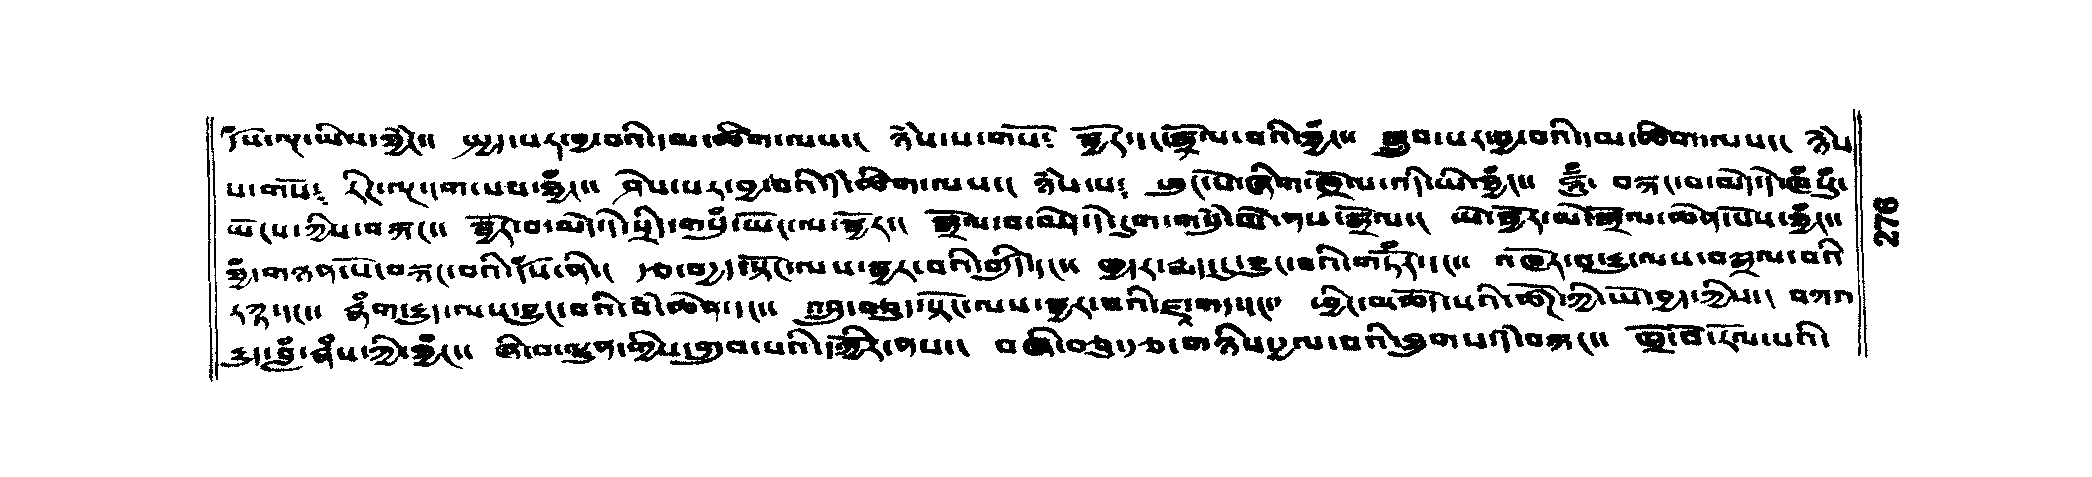དམ་རྫས་ལྔ་ཡི་ཐུགས་དམ་བསྐང་། །སྤྱད་པར་བྱ་བའི་དམ་ཚིག་ལས། །ཉམས་པ་གསོ་༴ སྦྱོར་དང་སྒྲོལ་བའི་ཐུགས་དམ་བསྐང་། །སྒྲུབ་པར་བྱ་བའི་དམ་ཚིག་ལས། །ཉམས་
པ་གསོ་༴ རིགས་ལྔ་དག་པས་ཐུགས་དམ་བསྐང་། །ཤེས་པར་བྱ་བའི་དམ་ཚིག་ལས། །ཉམས་པ་༴ ཕུང་པོ་ཞིག་ཁྲོལ་འདི་ཡི་ཐུགས་དམ་བསྐང་། །ཧཱུྃ། བསྐང་བ་མེད་དེ་ཁམས་གསུམ་
ཡོངས་ཀྱིས་བསྐང་། །སྦྱོར་བ་མེད་དེ་སྲིད་གསུམ་ཡོངས་ལ་སྦྱོར། །སྒྲོལ་བ་མེད་དེ་དུག་གསུམ་ཡེ་ནས་སྒྲོལ། །ཡེ་སྦྱོར་ཡེ་སྒྲོལ་ཆེན་པོས་ཐུགས་དམ་
ཐུགས་དམ་གཉན་པོ་བསྐང་བའི་དམ་རྫས་ནི། །རྩ་བརྒྱད་སྟོང་ལས་སྦྱར་བའི་བདུད་རྩི་དང་། །ཁྱད་པར་རྨད་དུ་བྱུང་བའི་ལགཏོར་མ་དང་། །འཁོར་བ་རྒྱུ་ལས་བསྒྲལ་བའི་
རཀྟ་དང་། །རྣམ་དག་རྒྱུད་ལས་བྱུང་བའི་བཾ་ཆེན་དང་། །འབྲུ་བཅུད་སྟོང་ལས་སྦྱར་བའི་ཛཱ་གད་དང་། །ཕྱི་ནང་མཆོད་པའི་ཚོགས་ཀྱི་ཡོ་བྱད་ཀྱིས། །བཀའ་
རྒྱུད་བླ་མ་རྣམས་ཀྱི་ཐུགས་དམ་བསྐང་། །ཞི་བ་ལྷུན་གྱིས་གྲུབ་པའི་དཀྱིལ་འཁོར་ནས། །བཞི་བཅུ་རྩ་གཉིས་རྒྱལ་བའི་ཐུགས་དམ་བསྐང་། །ཁྲོ་བོ་རོལ་པའི་